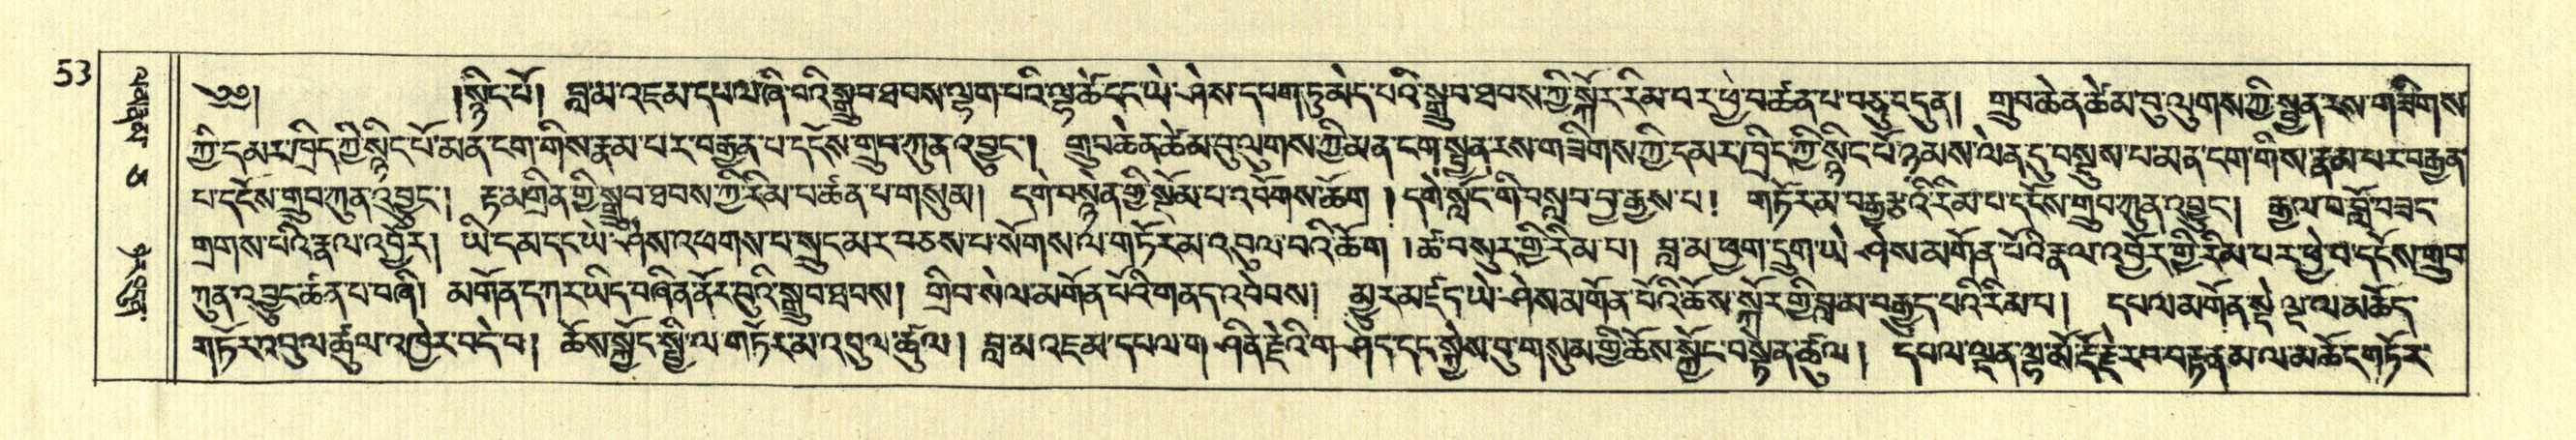༄༅། །སྙིང་པོ། བླ་མ་འཇལ་དཔལ་ཞི་བའི་སྒྲུབ་ཐབས་ལྷག་པའི་ལྷ་ཚེ་དང་ཡེ་ཤེས་དཔག་ཏུ་མེད་པའི་སྒྲུབ་ཐབས་ཀྱི་སྐོར་རིམ་པར་ཕྱེ་བ་ཚན་པ་བཅུ་བདུན། གྲུབ་ཆེན་ཚེམ་བུ་ལུགས་ཀྱི་སྤྱན་རས་གཟིགས་
ཀྱི་དམར་ཁྲིད་ཀྱི་སྙིང་པོ་མན་ངག་གིས་རྣམ་པར་བརྒྱན་པ་དངོས་གྲུབ་ཀུན་འབྱུང་། གྲུབ་ཆེན་ཚེམ་བུ་ལུགས་ཀྱི་མན་ངག་སྤྱན་རས་གཟིགས་ཀྱི་དམར་ཁྲིད་ཀྱི་སྙིང་པོ་ཉམས་ལེན་དུ་བསྡུས་པ་མན་ངག་གིས་རྣམ་པར་བརྒྱན་
པ་དངོས་གྲུབ་ཀུན་འབྱུང་། རྟ་མགྲིན་གྱི་སྒྲུབ་ཐབས་ཀྱི་རིམ་པ་ཚན་པ་གསུམ། དགེ་བསྙེན་གྱི་སྡོམ་པ་འབོགས་ཆོག །དགེ་སློང་གི་བསླབ་བྱ་རྒྱས་པ། གཏོར་མ་བརྒྱ་རྩའི་རིམ་པ་དངོས་གྲུབ་ཀུན་འབྱུང་། རྒྱལ་བ་བློ་བཟང་
གྲགས་པའི་རྣལ་འབྱོར། ཡི་དམ་དང་ཡེ་ཤེས་འཕགས་པ་སྲུང་མར་བཅས་པ་སོགས་ལ་གཏོར་མ་འབུལ་བའི་ཆོ་ག །ཚ་བསུར་གྱི་རིམ་པ། བླ་མ་ཕྱག་དྲུག་ཡེ་ཤེས་མགོན་པོའི་རྣལ་འབྱོར་གྱི་རིམ་པར་ཕྱེ་བ་དངོས་གྲུབ་
ཀུན་འབྱུང་ཚན་པ་བཞི། མགོན་དཀར་ཡིད་བཞིན་ནོར་བུའི་སྒྲུབ་ཐབས། གྲིབ་སེལ་མགོན་པོའི་གནད་འབེབས། མྱུར་མཛད་ཡེ་ཤེས་མགོན་པོའི་ཆོས་སྐོར་གྱི་བླ་མ་བརྒྱུད་པའི་རིམ་པ། དཔལ་མགོན་སྡེ་ལྔ་ལ་མཆོད་
གཏོར་འབུལ་ཚུལ་འཁྱེར་བདེ་བ། ཆོས་སྐྱོང་སྤྱི་ལ་གཏོར་མ་འབུལ་ཚུལ། བླ་མ་འཇམ་དཔལ་གཤིན་རྗེའི་གཤེད་དང་སྐྱེས་བུ་གསུམ་གྱི་ཆོས་སྐྱོང་བསྟེན་ཚུལ། དཔལ་ལྡན་ལྷ་མོ་རྡོ་རྗེ་རབ་བརྟན་མ་ལ་མཆོད་གཏོར་